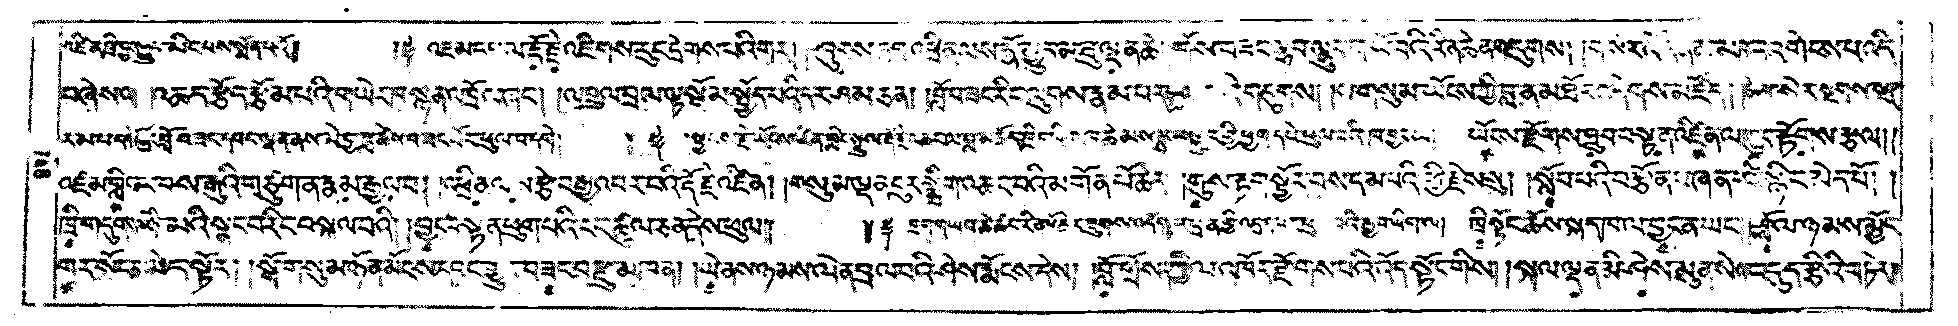འཛིན་ཁྲི་བྱང་སྤྲུལ་མིང་པས་སྨོན་པའོ།། །།༈ འཇམ་དཔལ་རྡོ྾་རྗེ྾་འཇིགས་རུང་དྲེགས་པའི་གར། །ཤུགས྾་དྲག་འཕྲིན་ལས་རྣོ་མྱུར་མཐུ་ལྡན྾་ཆེ། །གོས་བཟང་ལྷབ་ལྷུབ་གཡོ་བའི་རིན་ཆེན་གདུགས། །གསེར་འོད་ནམ་མཁའ་འགེངས་པ་འདི་
བཞེས་ལ། །འཆད་རྩོད་རྩོམ་པའི་གཡེར་ཁ་སྙན་འཁྲོལ་ཞིང་། །འཁྲུལ་བྲལ་ལྟ་སྒོམ་སྤྱོད་པའི་དར་ཤམ་ཅན། །བློ་བཟང་རིང་ལུགས་རྣམ་པར་རྒྱལ་བའི་གདུགས། །ས་གསུམ་ཡོངས་ཀྱི་བླ་ན་མཐོར་འདེགས་མཛོད། །ཅེས་སེར་སྔགས་སྔགས་
རམ་པ་དགེ་སློང་བློ་བཟང་དབང་ལྡན་ནས་མེ་བྱ་ཟླ་ཚེས་བཟང་པོར་ཕུལ་བ་དགེ ། །།༈ ༧སྐྱབས་རྗེ་ཡོངས་འཛིན་གླིང་སྤྲུལ་རྡོ་རྗེ་འཆང་ལ་བླ་མཆོད་ཁྲིད་ཡིག་ཁ་ཆེ་མས་རླུང་བསྐུར་གྱི་ཕྱག་དཔེ་ཕུལ་བའི་ཁ་བྱང་ལ། ཡོངས་~྾་རྫོགས་ཐུབ྾་བསྟན྾་འཛིན~྾་ལ་ལུང྾་རྟོགས྾་རྩལ། །
འཛམ་གླིང~྾་མཁས་རྒུའི་གཙུག་ན་རྣམ྾་རྒྱལ྾་བ། །འཕྲིན྾་ལས྾་རྩེ་བརྒྱ་འབར་བའི་རྡོ་རྗེ་འཛིན། །གསུམ་ལྡན་ངུར་སྨྲིག་འཆང་བའི་མགོན་པོ་ཆེར། །གུས྾་རྟག་སྦྱོར་བས་དམ་པའི་ཕྱི་རྗེས་སུ། །སློབ྾་པའི་བརྩོན་པ་ཞན་པའི་སྙིང་མེད་པོ། །
ཁྲི྾་གདུགས་ཉི་མའི་སྣང་བ་རིང་བསྐལ་བའི། །བྱང྾་བསྟན་ཕུག་པའི་ངང་ཚུལ་ཅན་དེས་ཕུལ།། །།༈ བྲག་གཡབ་ཆེ་ཚང་རིན་པོ་ཆེར་ཐུགས་འདོད་ལྟར་ཕྲན་གྱི་འདྲ་དཔར་ཕུལ་བའི་རྒྱབ་ཡིག་ལ།  ཁྲི྾་སྟོང་ཆོས་སྐད་ཁ་ལ་བྱང྾་ན་ཡང་། །བློ྾་ལ་ཉམས་མྱོང་
གར~྾་སོང་ཆ་མེད་སྟོར། །སྒོ་གསུམ་ཉོན་མོངས་དབང~྾་གྱུར་བཟང྾་བརྫུ་མཁན། །ཡེ྾་ནས་ཉམས་ལེན་བྲལ་བའི་ཤེས྾་རྨོངས་དེས། །བློ྾་གྲོས་དཀྱིལ་འཁོར་རྫོགས་པའི་འོད་སྟོང་གིས། །སྐལ་ལྡན྾་མི་ཤེས྾་མུན་སེལ་བདུད་རྩིའི་གཏེར། །